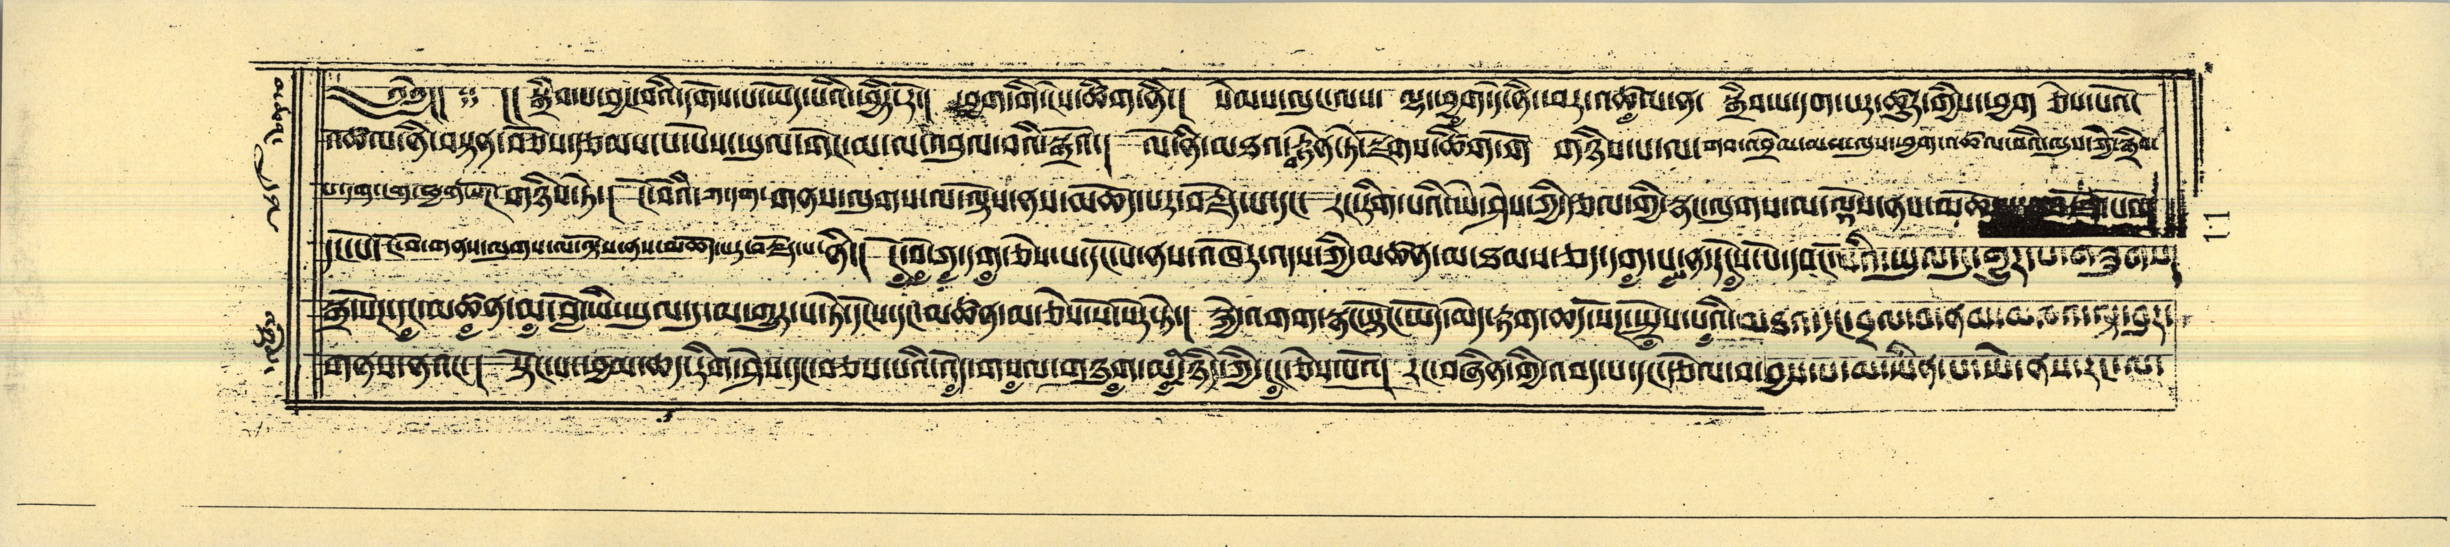སྒྲིབ་པ་བྱང་བའི་དགོས་པ་ཡོད་པའི་ཕྱིར་རོ། ཕྱག་གི་ངེས་ཚིག་ནི། སེམས་ལུང་ལས། ལྷ་ཕྱག་དེ་ནི་ཕར་བཙལ་ན། སྒྲིབ་པ་དག་པར་ཚུར་གྱིས་ཕྱག ཅེས་པའོ། 
འཚལ་ནི་བསྟན་བཅོས་རྩོམ་པ་པོས་ཡུལ་གོང་མ་ལ་འབུལ་བའི་སྒྲའོ། །ལོ་ནི་མཐའ་བརྟེན་རྫོགས་ཚིག་གོ །གཉིས་པ་ལ་༼གབ་འབྲེལ་ལས་ལུས་ཕྱག་འཚལ་བའི་ལུས་ཀྱི་སྒྲིབ་
པ་དག་ངག་ཕྱག་སོགས༽གཉིས་ཏེ། ངོ་བོའི་༼ཀ་དག༽གནས་ལུགས་ལ་ལྟོས་ནས་མཆོད་པར་བརྗོད་པ་དང་། རང་རིག་པའི་ཡེ་ཤེས་ཀྱི་རྩལ་གྱི་སྣང་ལུགས་ལ་ལྟོས་ནས་མཆོད་པར་བརྗོད་པའོ། 
དང་པོ་༼ངོ་བོ་གནས་ལུགས་ལ་ལྟོས་ནས་མཆོད་པར་བརྗོད་པ༽ནི། ངོ་བོ་ཀ་དག་ཅེས་པ་དང་པོ་ནས་འཁོར་འདས་ཀྱི་མཚན་མ་ཐམས་ཅད་དག་པ་ན་དངོས་པོ་དབང་པོའི་ཡུལ་དུ་གྱུར་པ་གཟུགས་
སྒྲ་སོགས་དང་མཚན་མ་བློ་ཡི་ཡུལ་དུ་མ་གྱུར་པ་སྟེ་དངོས་དང་མཚན་མ་ཅེས་སོ་སོར་ཏེ། སྐྱེ་འགག་སྣང་སྟོང་ཡོད་མེད་རྟག་ཆད་སོགས་སྤྲོས་པའི་མཐའ་དང་བྲལ་བ་ནམ་མཁའ་ལྟ་བུར་
གནས་ནའང་། སྟོང་པ་ཕྱམ་ཆད་རིག་ཤེས་དང་བཅས་པའི་འོད་གསལ་གཉུག་མ་ཉིད་ཀྱི་ངང་ཅེས་པའོ། །རང་བཞིན་གྱི་འབད་པ་རྩོལ་བ་བྱས་པ་མ་ཡིན་པ་ཡེ་ནས་རང་ལ་